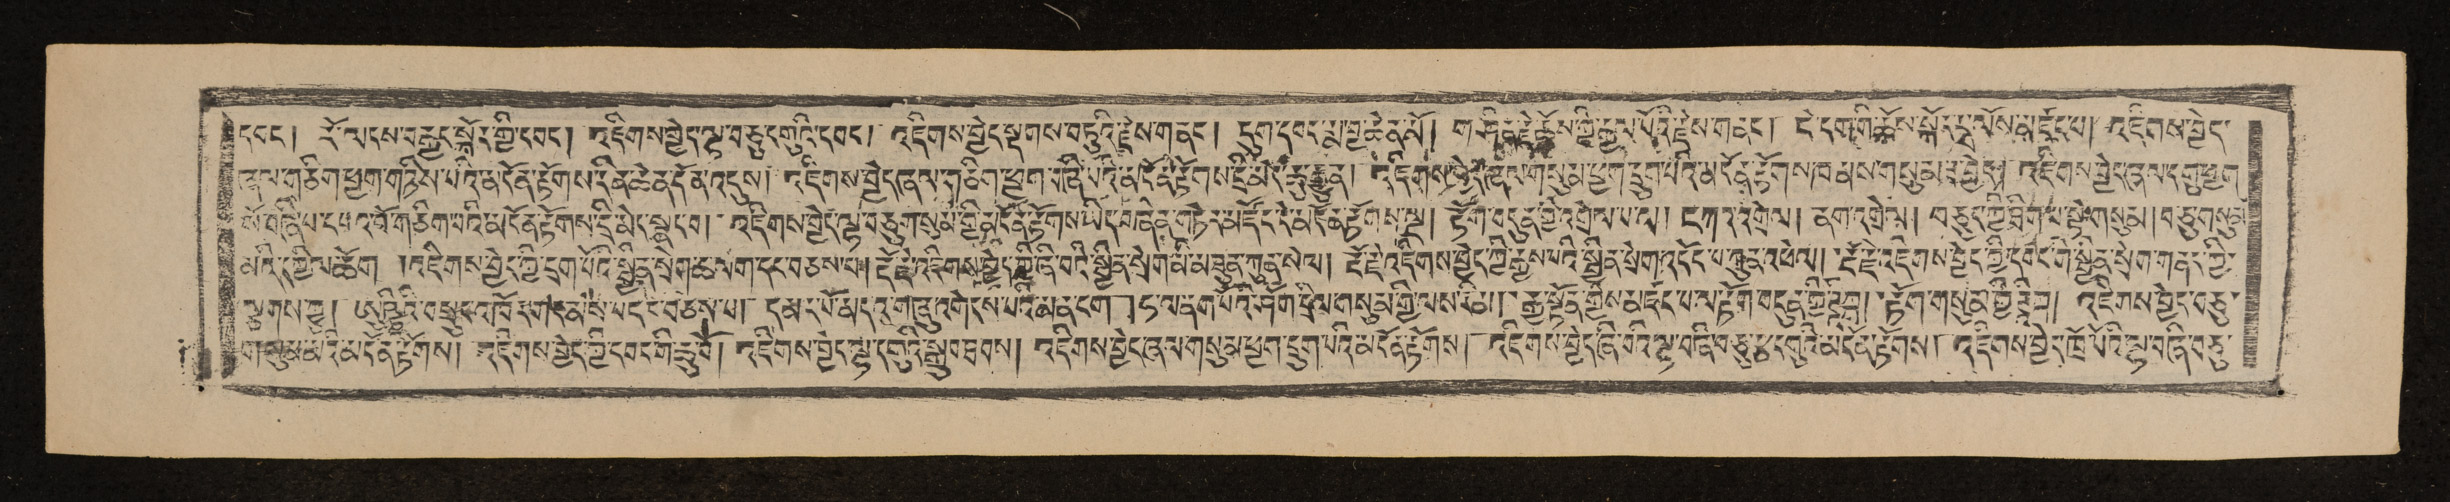དབང་། རོ་ལངས་བརྒྱད་སྐོར་གྱི་དབང་། འཇིགས་བྱེད་ལྷ་བཅུ་དགུའི་དབང་། འཇིགས་བྱེད་སྔགས་བཏུའི་རྗེས་གནང་། དུག་དབང་རྨ་བྱ་ཆེན་མོ། གཤིན་རྗེ་ཆོས་ཀྱི་རྒྱལ་པོའི་རྗེས་གནང་། དེ་དག་གི་ཆོས་སྐོར་རྭ་ལོས་མཛད་པ། འཇིགས་བྱེད་
ཞལ་གཅིག་ཕྱག་གཉིས་པའི་མངོན་རྟོགས་རིན་ཆེན་དོན་འདུས། འཇིགས་བྱེད་ཞལ་གཅིག་ཕྱག་བཞི་པའི་མངོན་རྟོགས་དྲི་མེད་ཆུ་རྒྱུན། འཇིགས་བྱེད་ཞལ་གསུམ་ཕྱག་དྲུག་པའི་མངོན་རྟོགས་ཁམས་གསུམ་ཟ་བྱེད། འཇིགས་བྱེད་ཞལ་དགུ་ཕྱག་
སོ་བཞིབ་དཔའ་བོ་གཅིག་པའི་མངོན་རྟོགས་དྲི་མེད་སྣང་བ། འཇིགས་བྱེད་ལྷ་བཅུ་གསུམ་གྱི་མངོན་རྟོགས་ཡིད་བཞིན་གཏེར་མཛོད་དེ་མངོན་རྟོགས་ལྔ། རྟོག་བདུན་གྱི་འགྲེལ་པ་ལ། དཀའ་འགྲེལ། ནག་འགྲེལ། བཅུད་ཀྱི་ཐིག་བ་སྟེ་གསུམ། བཅུ་གསུམ་
མའི་དཀྱིལ་ཆོག །འཇིགས་བྱེད་ཀྱི་དྲག་པོའི་སྦྱིན་སྲེག་ཆ་ལག་དང་བཅས་པ། རྡོ་རྗེ་འཇིགས་བྱེད་ཀྱི་ཞི་བའི་སྦྱིན་སྲེག་མི་མཐུན་ཀུན་སེལ། རྡོ་རྗེ་འཇིགས་བྱེད་ཀྱི་རྒྱས་པའི་སྦྱིན་སྲེག་འདོད་པ་ཀུན་འཕེལ། རྡོ་རྗེ་འཇིགས་བྱེད་ཀྱི་དབང་གི་སྦྱིན་སྲེག་གནད་ཀྱི་
ལྕགས་ཀྱུ། ཨུཥྞཱིའི་བསྲུང་འཁོར་གདམས་པ་དང་བཅས་པ། དམར་པོ་མདའ་གཞུ་འགེངས་པའི་མན་ངག །ཧ་ལ་ནག་པོའི་ཤོག་དྲིལ་གསུམ་གྱི་ལས་རིམ། རྒྱ་སྟོན་གྱིས་མཛད་པ་ལ་རྟོག་བདུན་གྱི་ཊཱིཀྐ། རྟོག་གསུམ་གྱི་ཊཱིཀྐ། འཇིགས་བྱེད་བཅུ་
གསུམ་མའི་མངོན་རྟོགས། འཇིགས་བྱེད་ཀྱི་དབང་གི་ཆུ་བོ། འཇིགས་བྱེད་ལྷ་དགུའི་སྒྲུབ་ཐབས། འཇིགས་བྱེད་ཞལ་གསུམ་ཕྱག་དྲུག་པའི་མངོན་རྟོགས། འཇིགས་བྱེད་ཞི་བའི་ལྷ་བཞི་བཅུ་རྩ་དགུའི་མངོན་རྟོགས། འཇིགས་བྱེད་ཁྲོ་བོའི་ལྷ་བཞི་བཅུ་